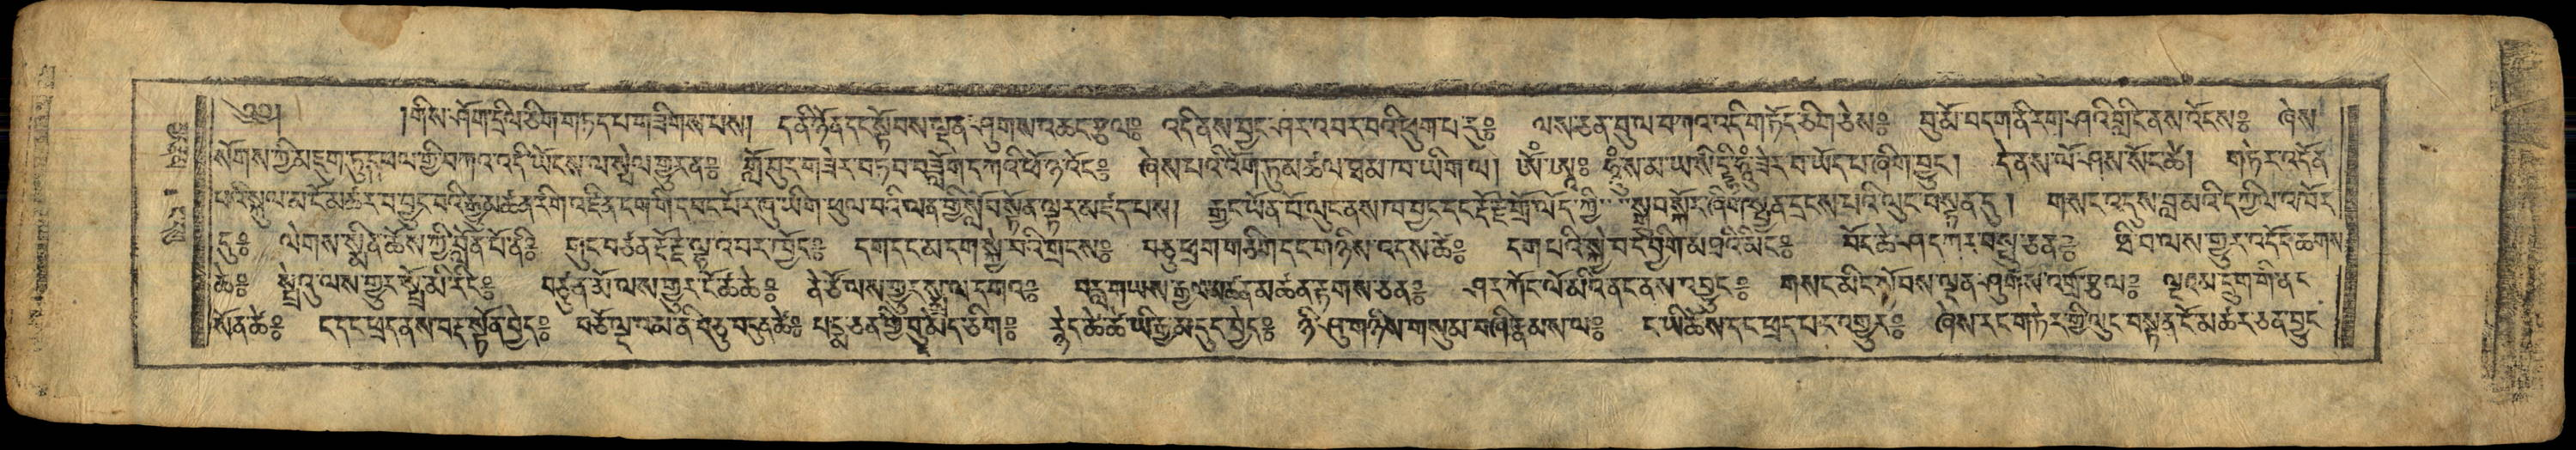༄༅། །གིས་ཤོག་དྲིལ་ཅིག་གཏད་པ་གཟིགས་པས། ད་ནི་ཉོན་དང་སྟོབས་ལྡན་ཤུགས་འཆང་རྩལཿ་འདི་ནས་བྱང་ཤར་འབར་བའི་ཕུག་པ་རུཿ་ལས་ཅན་བུ་ལ་བཀའ་འདི་གཏོད་ཅིག་ཅེསཿ་བུ་མོ་བདག་ནི་རག་ཤའི་གླིང་ནས་འོངསཿ་ཞེས་
སོགས་ཀྱི་མཇུག་ཏུ་དཔལ་གྱི་བཀའ་འདི་ཡོངས་ལ་སྤེལ་གྱུར་ནཿ་གློ་བུར་གཟེར་བཏབ་བཟློག་དཀའི་ཕོ་ཉ་འོངཿ་ཞེས་པའི་འོག་ཏུ་མཚལ་ཐམ་ཁ་ཡིག་ལ། ཨོཾ་ཨཱཿ ཧཱུཾ་ས་མ་ཡ་སིདྡྷི་ཧཱུཾ་ཟེར་བ་ཡོད་པ་ཞིག་བྱུང་། དེ་ནས་ལོ་ཤས་སོང་ཚེ། གཏེར་འདོན་
པའི་སྐུལ་མ་ངོ་མཚར་བ་བྱུང་བའི་རྒྱུ་མཚན་རིག་འཛིན་ངག་གི་དབང་པོར་ཞུ་ཡིག་ཕུལ་བའི་ལན་ཕྱི་སློབ་སྟོན་ལྟར་མཛད་པས། རྒྱང་ཡོན་པོ་ལུང་ནས་ཁ་བྱང་དང་རྡོ་རྗེ་གྲོ་ལོད་ཀྱི་སྒྲུབ་སྐོར་ཞིག་སྤྱན་དྲངས་པའི་ལུང་བསྟན་དུ། གསང་འདུས་བླ་མའི་དཀྱིལ་འཁོར་
དུཿ་ལེགས་སྨིན་ཆོས་ཀྱི་བློན་པོ་ནིཿ་གུང་བཙན་རྡོ་རྗེ་ལྷ་འབར་ཁྱོདཿ་དག་དང་མདག་སྐྱེ་བའི་གྲངསཿ་བཅུ་ཕྲག་གཅིག་དང་གཉིས་འདས་ཚེཿ་ངག་པའི་སྐྱེ་བ་དབྱིག་མཐའི་མིངཿ་བོང་ཆེ་ཤ་དཀར་བ་སྤུ་ཅནཿ་ཐི་བ་ལས་གྱུར་འདོད་ཆགས་
ཆེཿ་སྤྲའུ་ལས་གྱུར་སྤྲོ་མི་རིངཿ་བཙུན་མོ་ལས་གྱུར་ངོ་ཚ་ཆེཿ་ནེ་ཙོ་ལས་གྱུར་སྨྲ་ལ་དགའཿ་བྲལ་གཡས་རྒྱལ་མཚན་མཚན་རྟགས་ཅནཿ་ཤར་ཀོང་ལོ་མའི་ནང་ནས་འབྱུངཿ་གསང་མིང་སྟོབས་ལྡན་ཤུགས་འགྲོ་རྩལཿ་ལྔའམ་དྲུག་གི་ནང་
སོན་ཚེཿ་ང་དང་ཕྲད་ནས་བརྡ་སྟེན་བྱེདཿ་བཅོ་ལྔ་འམ་ནི་བཅུ་བདུན་ཚེཿ་པདམ་ཅན་གྱི་བུ་མེད་ཅིགཿ་རྙེད་ཚེ་ཚེ་ཡི་རྒྱ་མདུང་བྱེདཿ་ཉི་ཤུ་གཉིས་གསུམ་བཞི་རྣམས་ལཿ་ང་ཡི་ཆོས་དང་ཕྲད་པར་འགྱུརཿ་ཞེས་རང་གཏེར་གྱི་ལུང་བསྟན་ངོ་མཚར་ཅན་བྱུང་